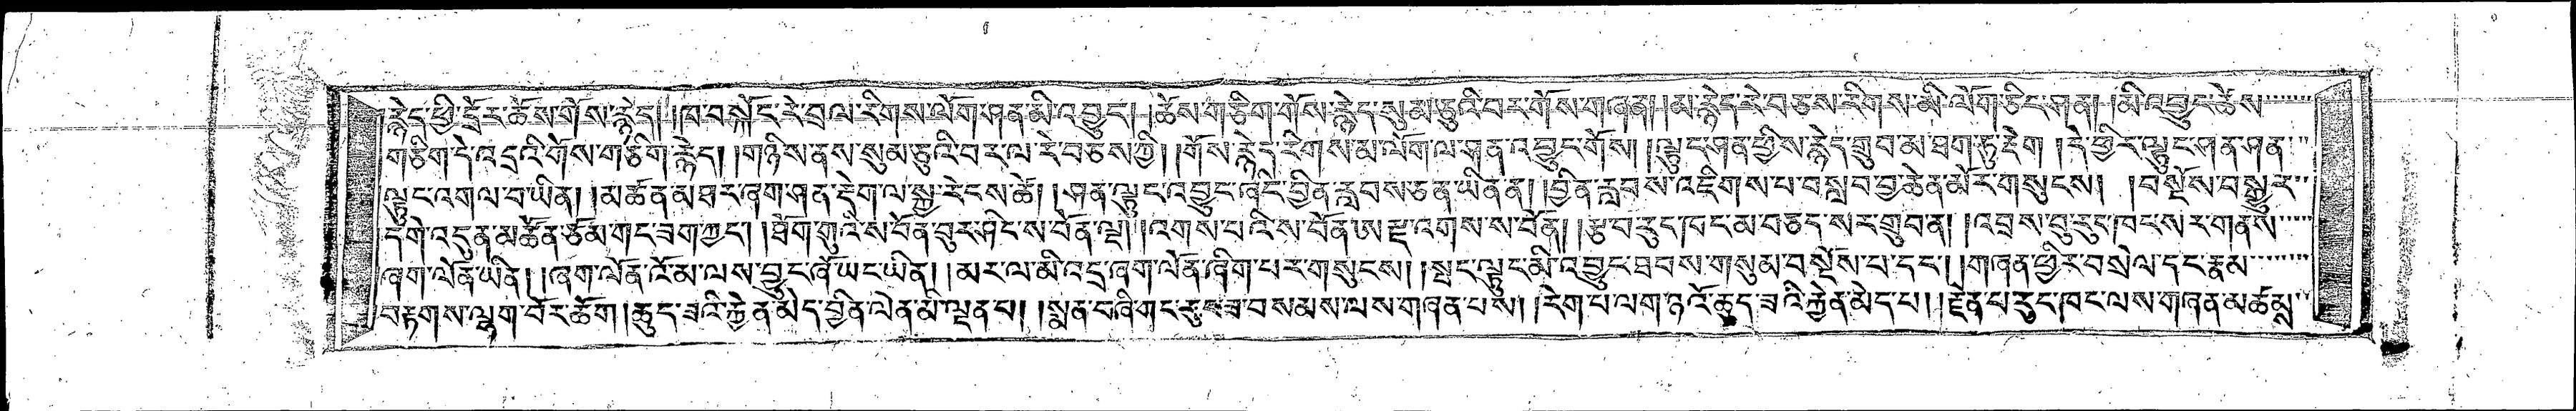རྙེད་ཕྱི་དྲོར་ཆོས་གོས་རྙེད། །ཁ་བསྐོང་རེ་བྲལ་རིགས་ལོག་ཤན་མི་འབྱུང་། །ཚེས་གཅིག་གོས་རྙེད་སུམ་ཅུའི་བར་གོས་གཞན། །མ་རྙེད་རེ་བཅས་རིགས་མི་ལོག་ཅིང་ཤན། །མི་འབྱུང་ཚེས་
གཅིག་དེ་འདྲའི་གོས་གཅིག་རྙེད། །གཉིས་ནས་སུམ་ཅུའི་བར་ལ་རེ་བཅས་ཀྱི། །གོས་རྙེད་རིགས་མ་ལོག་ལ་ཤན་འབྱུང་གོས། །ལྟུང་ཤན་ཕྱིས་རྙེད་གྲུབ་མ་ཐག་ཏུ་རྡེག །དེ་ཕྱིར་ལྟུང་ཤན་ཤན་
ལྟུང་འགལ་བ་ཡིན། །མཚན་མཐར་ཞག་ཤན་རྡེག་ལ་སྐྱ་རེངས་ཚེ། །ཤན་ལྟུང་འབྱུང་ཞིང་བྱིན་རླབས་ཅན་ཡིན་ན། །བྱིན་རླབས་འཇིགས་པ་བསླབ་བྱ་ཆེན་མོར་གསུངས། །བསྔོས་བསྒྱུར་
དགེ་འདུན་མཚོན་ཙམ་གང་ཟག་ཀྱང་། །ཐོག་གུའི་ས་བོན་བུར་ཤིང་ས་བོན་ལྔ། །འགས་པའི་ས་བོན་ཨ་རྫ་འགས་ས་བོན། །རྩ་བ་རུང་ཁང་མ་བཅད་སར་གྲུབ་ན། །འབྲས་བུ་རུང་ཁང་སར་གནས་
ཞག་ལོན་ཡིན། །ཞག་ལོན་འོ་མ་ལས་བྱུང་ཞོ་ཡང་ཡིན། །མར་ལ་མི་འདྲ་ཞག་ལོན་ཞིག་པར་གསུངས། །སྤང་ལྟུང་མི་འབྱུང་ཐབས་གསུམ་བསྔོས་པ་དང་། །གཞན་ཕྱིར་བསྲེལ་དང་རྣམ་
བརྟགས་ལྷག་བོར་ཆོག །ཆུད་ཟའི་རྐྱེན་མེད་བྱིན་ལེན་མི་ལྡན་པ། །སྨན་བཞི་གང་རུང་ཟ་བསམས་ལས་གཞན་པས། །རེག་པ་ལག་ཉའོ་ཆུད་ཟའི་རྐྱེན་མེད་པ། །རྗེན་པ་རུང་ཁང་ལས་གཞན་མཚམས་